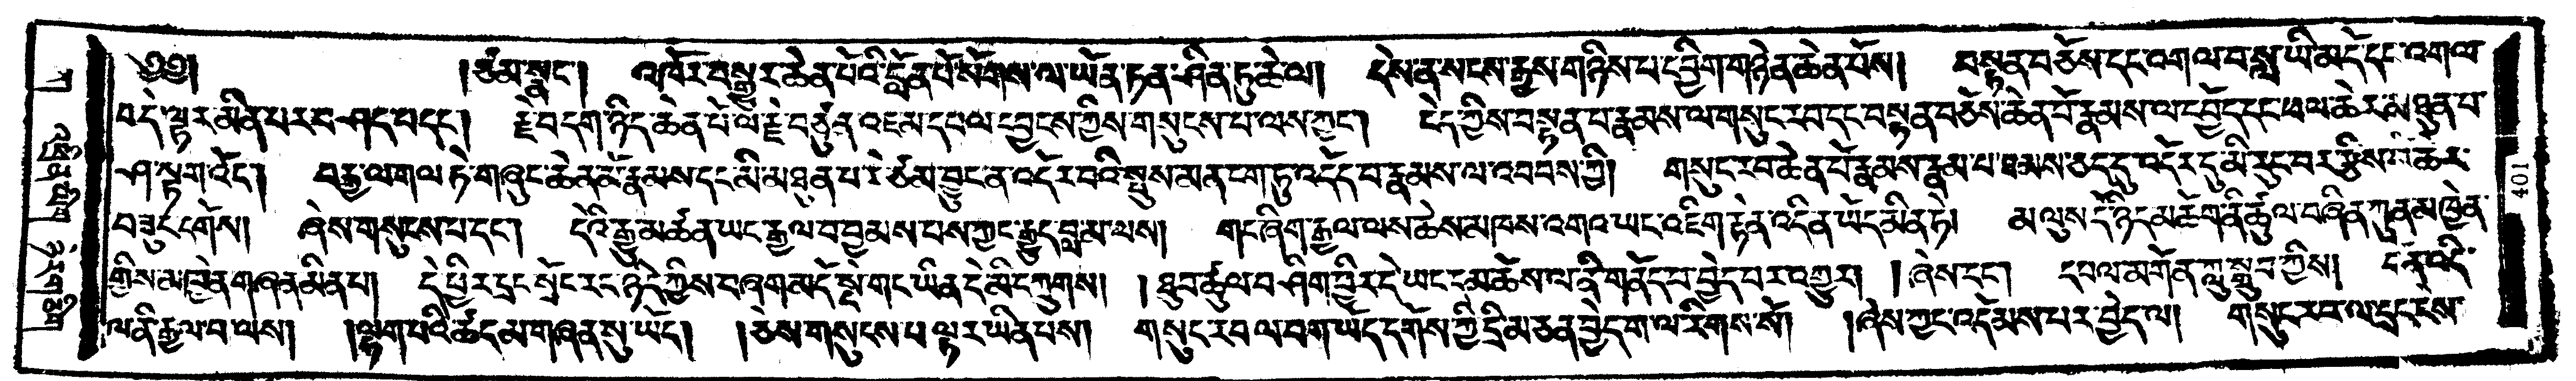༄༅། །ཙམ་སྣང་། འཁོར་བསྒྱུར་ཆེན་པོའི་བློན་པོ་སོགས་ལ་ཡོན་ཏན་ཤིན་ཏུ་ཆེ་ལ། དེས་ན་སངས་རྒྱས་གཉིས་པ་དབྱིག་གཉེན་ཆེན་པོས། བསྟན་བཅོས་དང་འགལ་བ་སླ་ཡི་མདོ་དང་འགལ་
བདེ་ལྟར་མིན་པར་བཤད་པ་དང་། རྗེ་བདག་ཉིད་ཆེན་པོ་ལ་རྗེ་བཙུན་འཇམ་དཔལ་དབྱངས་ཀྱིས་གསུངས་པ་ལས་ཀྱང་། ངེད་ཀྱིས་བསྟན་པ་རྣམས་ལ་གསུང་རབ་དང་བསྟན་བཅོས་ཆེན་པོ་རྣམས་ལ་དབྱོད་དང་ཕལ་ཆེར་མཐུན་པ་
ཤ་སྟག་འོང་། བརྒྱ་ལ་གལ་ཏེ་གཞུང་ཆེན་མོ་རྣམས་དང་མི་མཐུན་པ་རེ་ཙམ་བྱུང་ན་འདོར་བའི་སྤུས་མན་ངག་ཏུ་འདོད་པ་རྣམས་ལ་འབབས་ཀྱི། གསུང་རབ་ཆེན་པོ་རྣམས་རྣམ་པ་ཐམས་ཅད་དུ་འདོར་དུ་མི་རུང་བར་རྩིས་བོ?་ཆེར་
བཟུང་དགོས། ཞེས་གསུངས་པ་དང་། དེའི་རྒྱུ་མཚན་ཡང་རྒྱལ་བ་བྱམས་པས་ཀྱང་རྒྱུད་བླ་མ་ལས། གང་ཞིག་རྒྱལ་ལས་ཆེས་མཁས་འགའ་ཡང་འཇིག་རྟེན་འདིན་ཡོད་མིན་ཏེ། མ་ལུས་དེ་ཉིད་མཆོག་ནི་ཚུལ་བཞིན་ཀུན་མཁྱེན་
གྱིས་མཁྱེན་གཞན་མིན་པ། དེ་ཕྱིར་དྲང་སྲོང་རང་ཉིད་ཀྱིས་བཞག་མདོ་སྡེ་གང་ཡིན་དེ་མི་དཀྲུགས། །ཐུབ་ཚུལ་བཤིག་ཕྱིར་དེ་ཡང་དམ་ཆེས་ལ་ནི་གནོད་པ་བྱེད་པར་འགྱུར། །ཞེས་དང་། དཔལ་མགོན་ཀླུ་སྒྲུབ་ཀྱིས། དོན་འདི་
ལ་ནི་རྒྱལ་བ་ལས། །ལྷག་པའི་ཚད་མ་གཞན་སུ་ཡོད། །ཅེས་གསུངས་པ་ལྟར་ཡིན་པས། གསུང་རབ་ལ་བག་ཡོད་དགོས་ཀྱི་དྲི་མ་ཅན་བྱེད་ག་ལ་རིགས་སོ། །ཞེས་ཀྱང་འདོམས་པར་བྱེད་ལ། གསུང་རབ་ལ་དྲང་ངེས་